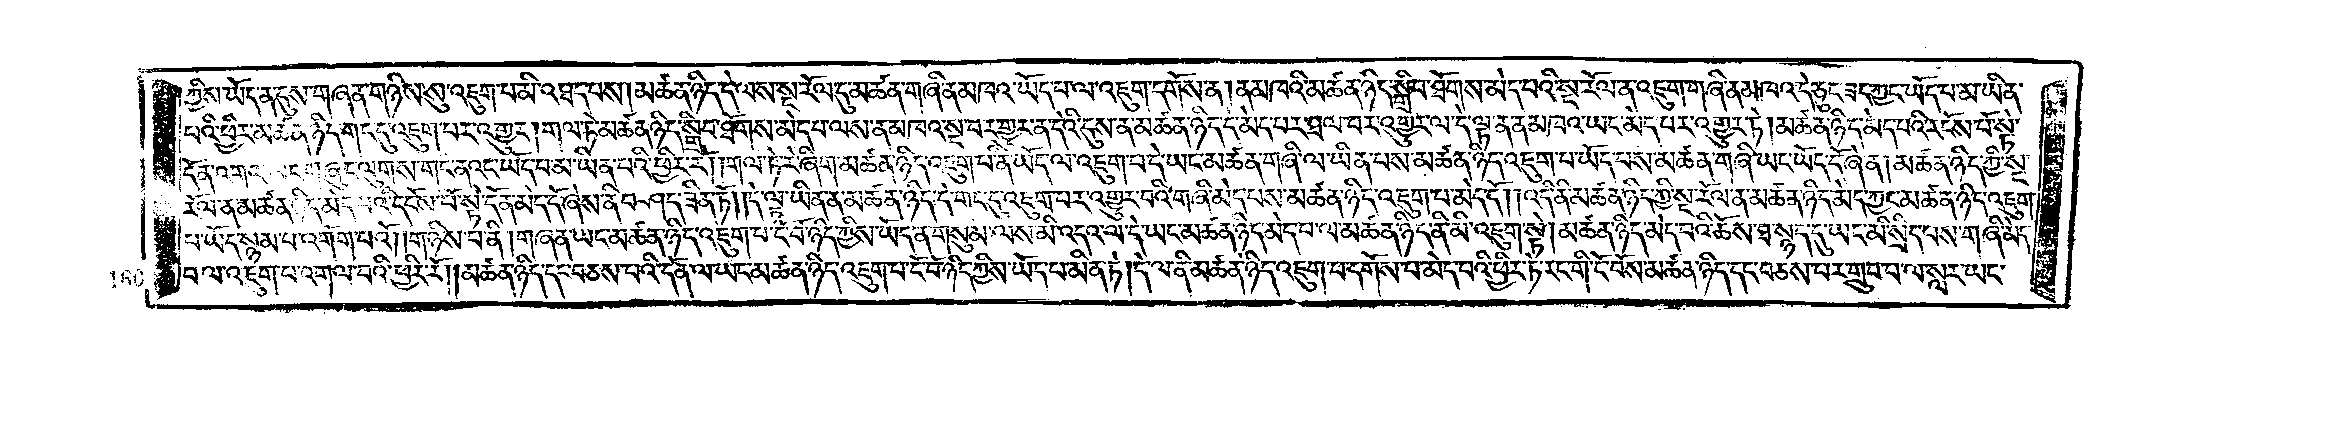ཀྱིས་ཡོད་ན་དུས་གཞན་གཉིས་སུ་འཇུག་པ་མི་འཐད་པས། མཚན་ཉིད་དེ་ལས་སྔ་རོལ་དུ་མཆན་གཞི་ནམཁའ་ཡོད་པ་ལ་འཇུག་དགོས་ན། ནམཁའི་མཚན་ཉིད་སྒྲིབ་ཐོགས་མེད་པའི་སྔ་རོལ་ན་འཇུག་གཞི་ནམཁའ་དེ་ཅུང་ཟད་ཀྱང་ཡོད་པ་མ་ཡིན་
པའི་ཕྱིར་མཚན་ཉིད་གང་དུ་འཇུག་པར་འགྱུར། གལ་ཏེ་མཚན་ཉིད་སྒྲིབ་ཐོགས་མེད་པ་ལས་ནམཁའ་སྔ་བར་གྱུར་ན་དེའི་དུས་ན་མཚན་ཉིད་དེ་མེད་པར་ཐལ་བར་འགྱུར་ལ་དེ་ལྟ་ན་ནམཁའ་ཡང་མེད་པར་འགྱུར་ཏེ། མཚན་ཉིད་མེད་པའི་དངོས་པོ་སྟེ་
དོན་འགའ་ཡང་གཞུང་ལུགས་གང་ནའང་ཡོད་པ་མ་ཡིན་པའི་ཕྱིར་རོ། །གལ་ཏེ་རེ་ཞིག་མཚན་ཉིད་འཇུག་པ་ནི་ཡོད་ལ་འཇུག་པ་དེ་ཡང་མཚན་གཞི་ལ་ཡིན་པས་མཚན་ཉིད་འཇུག་པ་ཡོད་པས་མཚན་གཞི་ཡང་ཡོད་དོ་ཞེ་ན། མཚན་ཉིད་ཀྱི་སྔ་
རོལ་ན་མཆན་ཉིད་མེད་པའི་དངོས་པོ་སྟེ་དོན་མེད་དོ་ཞེས་ནི་བཤད་ཟིན་ཏོ། །དེ་ལྟ་ཡིན་ན་མཚན་ཉིད་དེ་གང་དུ་འཇུག་པར་འགྱུར་བའི་གཞི་མེད་པས་མཚན་ཉིད་འཇུག་པ་མེད་དོ། །འདི་ནི་མཚན་ཉིད་ཀྱི་སྔ་རོལ་ན་མཚན་ཉིད་མེད་ཀྱང་མཚན་ཉིད་འཇུག་
པ་ཡོད་སྙམ་པ་འགོག་པའོ། །གཉིས་པ་ནི། གཞན་ཡང་མཚན་ཉིད་འཇུག་པ་ངོ་བོ་ཉིད་ཀྱིས་ཡོད་ན་གསུམ་ལས་མི་འདའ་ལ་དེ་ཡང་མཚན་ཉིད་མེད་པ་ལ་མཚན་ཉིད་ནི་མི་འཇུག་སྟེ། མཚན་ཉིད་མེད་པའི་ཆོས་ཐ་སྙད་དུ་ཡང་མི་སྲིད་པས་གཞི་མེད་
པ་ལ་འཇུག་པ་འགལ་བའི་ཕྱིར་རོ། །མཚན་ཉིད་དང་བཅས་པའི་དོན་ལ་ཡང་མཚན་ཉིད་འཇུག་པ་ངོ་བོ་ཉིད་ཀྱིས་ཡོད་པ་མིན་ཏེ། དེ་ལ་ནི་མཚན་ཉིད་འཇུག་པ་དགོས་པ་མེད་པའི་ཕྱིར་ཏེ་རང་གི་ངོ་བོས་མཚན་ཉིད་དང་བཅས་པར་གྲུབ་པ་ལ་སླར་ཡང་